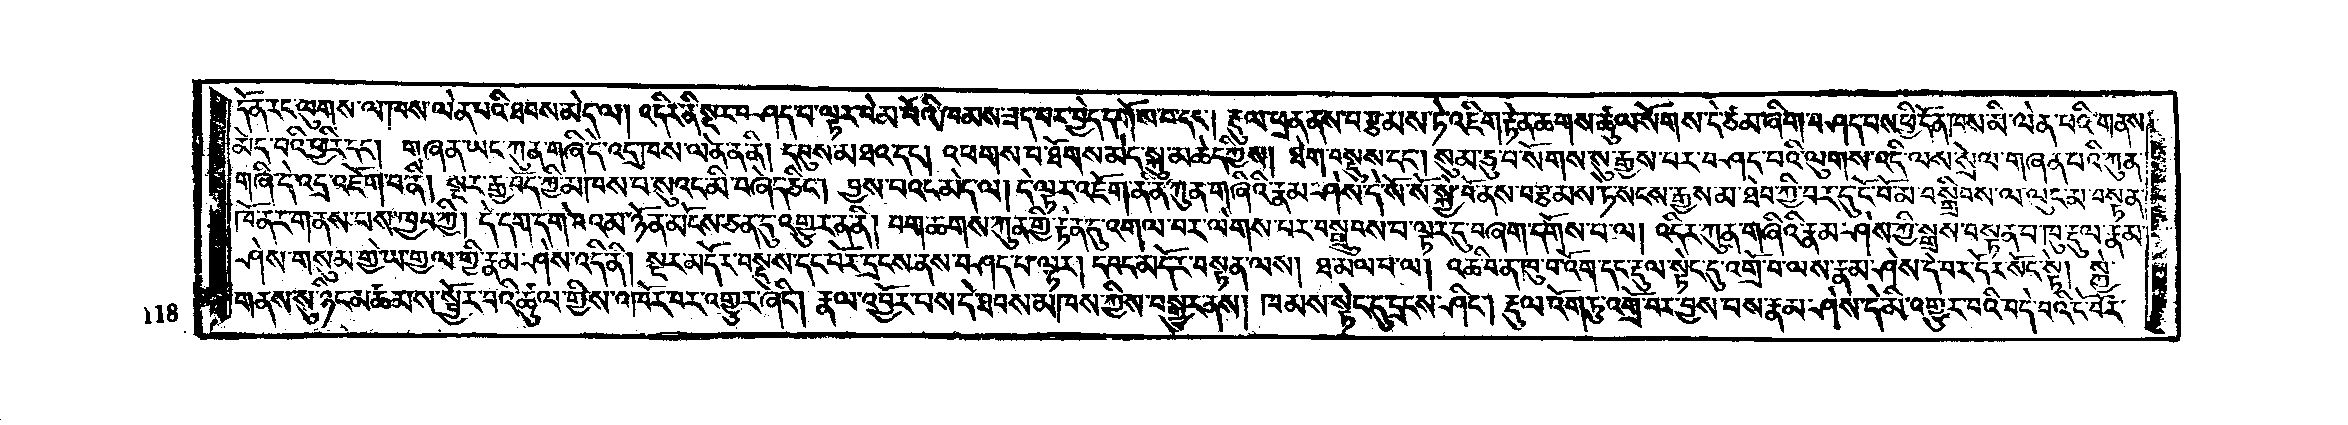དོན་རང་ལུགས་ལ་ཁས་ལེན་པའི་ཐབས་མེད་ལ། འདིར་ནི་སྔར་བཤད་པ་ལྟར་བེམ་པོའི་ཁམས་ཟད་པར་བྱེད་དགོས་པ་དང་། རྡུལ་ཕྲན་ནས་བརྩམས་ཏེ་འཇིག་རྟེན་ཆགས་ཚུལ་སོགས་དེ་ཙམ་ཞིག་བཤད་པས་ཕྱི་དོན་ཁས་མི་ལེན་པའི་གནས་
མེད་པའི་ཕྱིར་དང་། གཞན་ཡང་ཀུན་གཞི་དེ་འདྲ་ཁས་ལེན་ན་ནི། དབུས་མཐའ་དང་། འཕགས་པ་ཐོགས་མེད་སྐུ་མཆེད་ཀྱིས། ཐེག་བསྡུས་དང་། སུམ་ཅུ་པ་སོགས་སུ་རྒྱས་པར་བཤད་པའི་ལུགས་འདི་ལས་སྲེལ་གཞན་པའི་ཀུན་
གཞི་དེ་འདྲ་འཇོག་པ་ནི། སྔར་རྒྱ་བོད་ཀྱི་མཁས་པ་སུའང་མི་བཞེད་ཅིང་། བྱས་པའང་མེད་ལ། དེ་ལྟར་འཇོག་ན་ནི་ཀུན་གཞིའི་རྣམ་ཤེས་དེ་སོ་སོ་སྐྱེ་བོ་ནས་བརྩམས་ཏེ་སངས་རྒྱས་མ་ཐོབ་ཀྱི་བར་དུ་ངོ་བོ་མ་བསྒྲིབས་ལ་ལུང་མ་བསྟན་
ཁོ་ནར་གནས་པས་ཁྱབ་ཀྱི། དེ་དག་དགེ་བའམ་ཉོན་མོངས་ཅན་དུ་འགྱུར་ན་ནི། བག་ཆགས་ཀུན་གྱི་རྟེན་དུ་འགལ་བར་ལེགས་པར་བསྒྲུབས་པ་ལྟར་དུ་བཞག་དགོས་པ་ལ། འདིར་ཀུན་གཞིའི་རྣམ་ཤེས་ཀྱི་སྒྲས་བསྟན་པ་ཁུ་རྡུལ་རྣམ་
ཤེས་གསུམ་གྱི་ཡ་གྱལ་གྱི་རྣམ་ཤེས་འདི་ནི། སྔར་མདོར་བསྡུས་དང་པོར་དྲངས་ནས་བཤད་པ་ལྟར། དབང་མདོར་བསྟན་ལས། ཐ་མལ་པ་ལ། འཆི་བ་ན་ཁུ་བ་འོག་དང་རྡུལ་སྟེང་དུ་འགྲོ་བ་ལས་རྣམ་ཤེས་དེ་བར་དོར་སོང་སྟེ། སྐྱེ་
གནས་སུ་ཉིང་མཚམས་སྦྱོར་བའི་ཚུལ་གྱིས་འཁོར་བར་འགྱུར་ཞིང་། རྣལ་འབྱོར་པས་དེ་ཐབས་མཁས་ཀྱིས་བསྒྱུར་ནས། ཁམས་སྟེང་དུ་དྲངས་ཤིང་། རྡུལ་འོག་ཏུ་འགྲོ་བར་བྱས་པས་རྣམ་ཤེས་དེ་མི་འགྱུར་བའི་བདེ་བའི་ངོ་བོར་